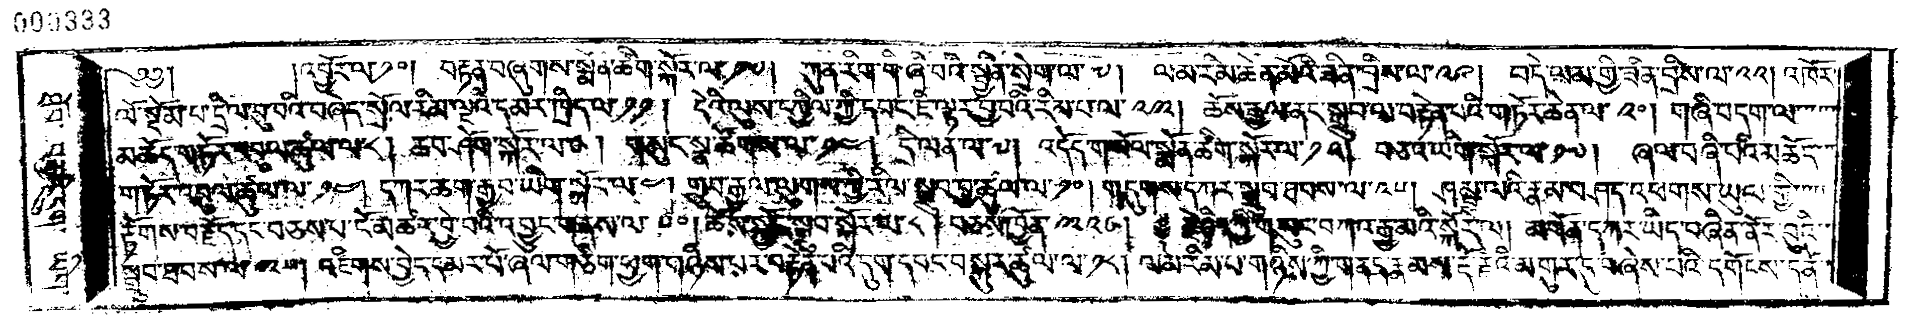༄༅། །འབྱོར་ལ ༡༠། བརྟན་བཞུགས་སྨོན་ཚིག་སྐོར་ལ ༡༧། ཀུན་རིག་གི་ཞི་བའི་སྦྱིན་སྲེག་ལ ༧། ལམ་རིམ་ཆེན་མོའི་ཟིན་བྲིས་ལ ༢༩། བདེ་ལམ་གྱི་ཟིན་བྲིས་ལ ༢༢། འཁོར་
ལོ་སྡོམ་པ་དྲིལ་བུ་བའི་བཞེད་སྲོལ་རིམ་ལྔའི་དམར་ཁྲིད་ལ ༡༡། དེའི་ལུས་དཀྱིལ་ཀྱི་དབང་ཇི་ལྟར་བྱ་བའི་རིམ་པ་ལ ༢༣། ཆོས་རྒྱལ་ནང་སྒྲུབ་ལ་བརྟེན་པའི་གཏོར་ཆེན་ལ ༢༠། གཞི་བདག་ལ་
མཆོད་གཏོར་འབུལ་ཚུལ་ལ ༨། ཆབ་ཤོག་སྐོར་ལ ༦། གསུང་སྣ་ཚོགས་ལ ༡༤། དྲི་ལན་ལ ༧། འདོད་གསོལ་སྨོན་ཚིག་སྐོར་ལ ༡༢། བཅའ་ཡིག་སྐོར་ལ ༡༧། ཞལ་བཞི་པའི་མཆོད་
གཏོར་འབུལ་ཚུལ་ལ ༡༤། དཀར་ཆག་རྒྱབ་ཡིག་སྐོར་ལ ༤། གྲུབ་རྒྱལ་ལུགས་ཀྱི་རིལ་སྒྲུབ་བྱ་ཚུལ་ལ ༡༠། གདུགས་དཀར་སྒྲུབ་ཐབས་ལ ༢༥། ཤམྦྷ་ལའི་རྣམ་བཤད་འཕགས་ཡུལ་གྱི་
རྟོགས་བརྗོད་དང་བཅས་པ་ངོ་མཚར་བྱེ་བའི་འབྱུང་གནས་ལ ༥༠། ཆོས་སྐྱོང་སྒྲུབ་སྐོར་ལ ༨། བཅས་ཁྱོན ༣༢༦། ༈ རྗེ་ཉིད་ཀྱི་གསུང་བཀའ་རྒྱ་མའི་སྐོར་ལ། མགོན་དཀར་ཡིད་བཞིན་ནོར་བུའི་
སྒྲུབ་ཐབས་ལ ༣༥། འཇིགས་བྱེད་དམར་པོ་ཞལ་གཅིག་ཕྱག་གཉིས་པར་བརྟེན་པའི་དུག་དབང་བསྐུར་ཚུལ་ལ ༡༨། ལམ་རིམ་པ་གཉིས་ཀྱི་གནད་རྣམས་རྡོ་རྗེའི་མགུར་དུ་བཞེས་པའི་དགོངས་དོན་